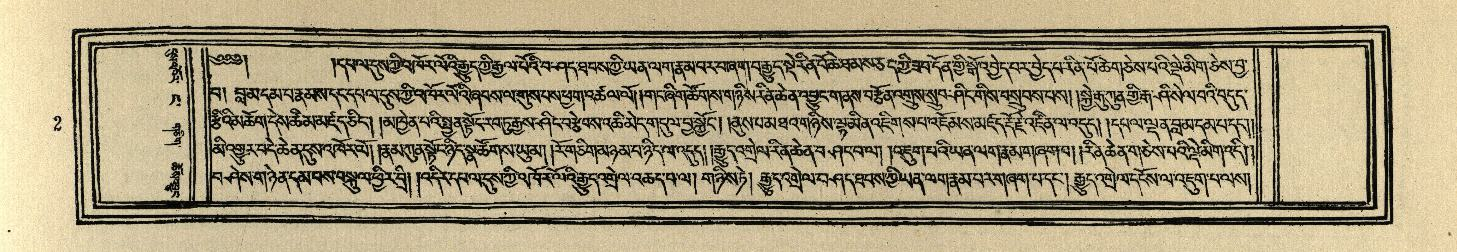༄༅། །དཔལ་དུས་ཀྱི་འཁོར་ལོའི་རྒྱུད་ཀྱི་རྒྱལ་པོའི་བཤད་ཐབས་ཀྱི་ཡན་ལག་རྣམ་པར་བཞག་པ་རྒྱུད་སྡེ་རིན་པོ་ཆེ་ཐམས་ཅད་ཀྱི་ཟབ་དོན་གྱི་སྒོ་འབྱེད་པར་བྱེད་པ་རིན་པོ་ཆེ་གཅེས་པའི་ལྡེ་མིག་ཅེས་བྱ་
བ། བླ་མ་དམ་པ་རྣམས་དང་དཔལ་དུས་ཀྱི་འཁོར་ལོའི་ཞབས་ལ་གུས་པས་ཕྱག་འཚལ་ལོ། །གང་ཞིག་ཚོགས་གཉིས་རིན་ཆེན་འབྱུང་གནས་བརྩོན་འགྲུས་སྲུབ་ཤིང་གིས་བསྲུབས་པས། །སྐྱེ་རྒུ་ཀུན་གྱི་རྒ་ཤི་སེལ་བའི་བདུད་
རྩིའི་མཆོག་དེས་ཚིམ་མཛད་ཅིང་། །མཁྱེན་པའི་སྤྱན་སྟོང་རབ་ཏུ་རྒྱས་ཤིང་བརྩེ་བས་འཆི་མེད་གདུལ་བྱ་སྐྱོང་། །ནུས་པ་མཐའ་གཉིས་ལྷ་མིན་འཇིགས་པ་འཇོམས་མཛད་རྡོ་རྗེ་འཛིན་ལ་འདུད། །དཔལ་ལྡན་བླ་མ་དམ་པ་དང།།
མི་འགྱུར་བདེ་ཆེན་དུས་འཁོར་ལོ། །རྣམ་ཀུན་སྟོང་ཉིད་སྣ་ཚོགས་ཡུམ། །རོ་གཅིག་མཉམ་པ་ཉིད་ལ་འདུད། །རྒྱུད་འགྲེལ་རིན་ཆེན་བཤད་པ་ལ། །འཇུག་པའི་ཡན་ལག་རྣམ་གཞག་པ། །རིན་ཆེན་གཅེས་པའི་ལྡེ་མིག་འདི། །
བཤེས་གཉེན་དམ་པས་བསྐུལ་ཕྱིར་བྲི། །འདིར་དཔལ་དུས་ཀྱི་འཁོར་ལོའི་རྒྱུད་འགྲེལ་འཆད་པ་ལ། གཉིས་ཏེ། རྒྱུད་འགྲེལ་བཤད་ཐབས་ཀྱི་ཡན་ལག་རྣམ་པར་གཞག་པ་དང་། རྒྱུད་འགྲེལ་དངོས་ལ་འཇུག་པ་ལས།